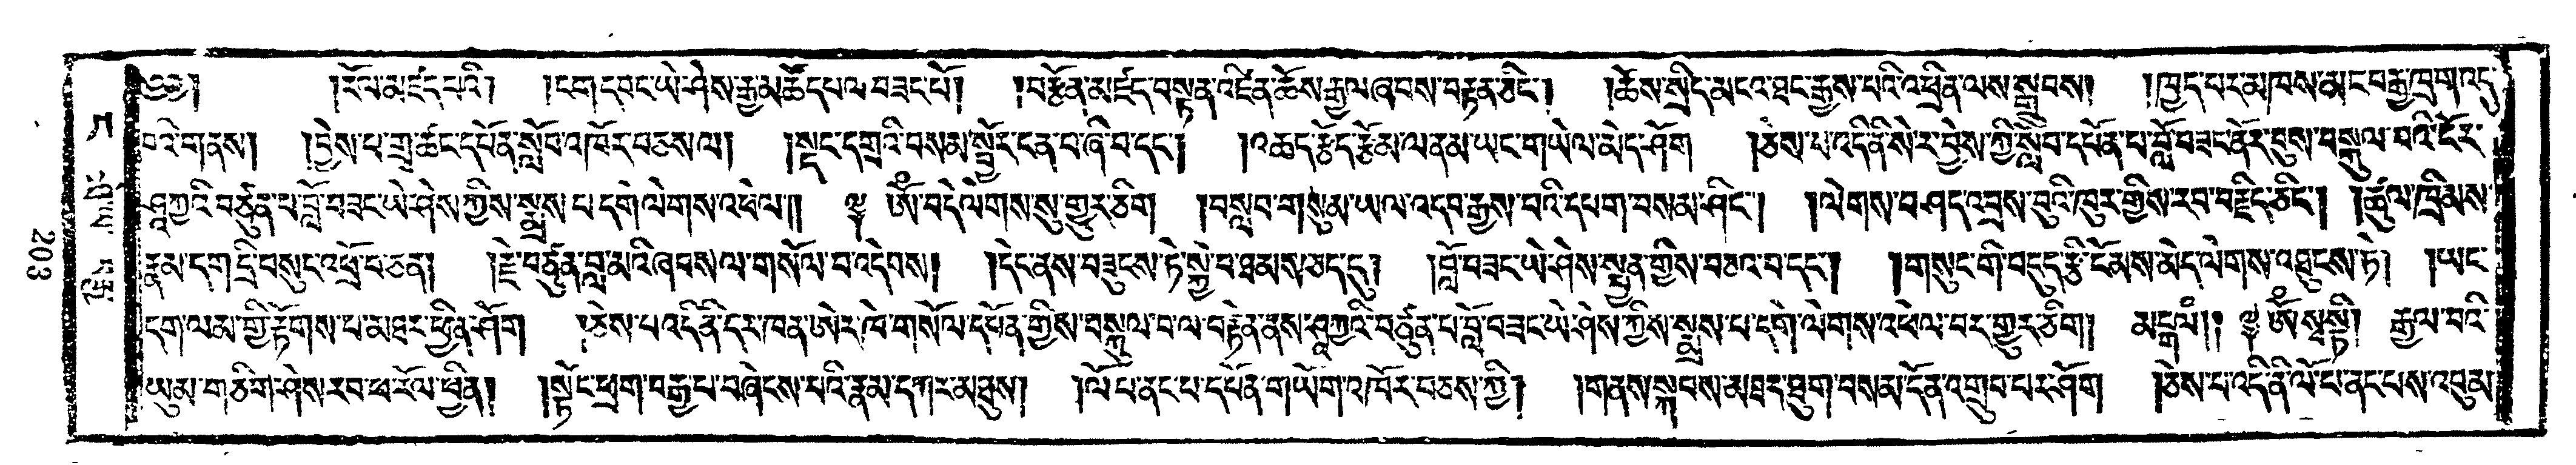༄༅། །རོལ་མཛད་པའི། །ངག་དབང་ཡེ་ཤེས་རྒྱ་མཚོ་དཔལ་བཟང་པོ། །བརྩོན་མཛད་བསྟན་འཛིན་ཆོས་རྒྱལ་ཞབས་བརྟན་ཅིང་། །ཆོས་སྲིད་མངའ་ཐང་རྒྱས་པའི་འཕྲིན་ལས་སྒྲུབས། །ཁྱད་པར་མཁས་མང་བརྒྱ་ཁྲག་འདུ་
བའི་གནས། །བྱེས་པ་གྲྭ་ཚང་དཔོན་སློབ་འཁོར་བཅས་ལ། །སྡང་དགྲའི་བསམ་སྦྱོར་ངན་བ་ཞི་བ་དང་། །འཆད་རྩོད་རྩོམ་ལ་ནམ་ཡང་གཡེལ་མེད་ཤོག །ཅེས་པ་འདི་ནི་སེར་བྱེས་ཀྱི་སློབ་དཔོན་པ་བློ་བཟང་ནོར་བུས་བསྐུལ་བའི་ངོར་
ཤཱཀྱའི་བཙུན་པ་བློ་བཟང་ཡེ་ཤེས་ཀྱིས་སྨྲས་པ་དགེ་ལེགས་འཕེལ།། ༈ ཨོཾ་བདེ་ལེགས་སུ་གྱུར་ཅིག །བསླབ་གསུམ་ཡལ་འདབ་རྒྱས་བའི་དཔག་བསམ་ཤིང་། །ལེགས་བཤད་འབྲས་བུའི་ཁུར་གྱིས་རབ་བརྗིད་ཅིང་། །ཚུལ་ཁྲིམས་
རྣམ་དག་དྲི་བསུང་འཕྲོ་བ་ཅན། །རྗེ་བཙུན་བླ་མའི་ཞབས་ལ་གསོལ་བ་འདེབས། །དེང་ནས་བཟུངས་ཏེ་སྐྱེ་བ་ཐམས་ཅད་དུ། །བློ་བཟང་ཡེ་ཤེས་སྤྱན་གྱིས་བཅའ་བ་དང་། །གསུང་གི་བདུད་རྩི་ངོམས་མེད་ལེགས་འཐུངས་ཏེ། །ཡང་
དག་ལམ་གྱི་རྟོགས་པ་མཐར་ཕྱིན་ཤོག །ཅེས་པ་འདི་ནི་དར་ཁན་ཨེར་ཁེ་གསོལ་དཔོན་གྱིས་བསྐུལ་བ་ལ་བརྟེན་ནས་ཤཱཀྱའི་བཙུན་པ་བློ་བཟང་ཡེ་ཤེས་ཀྱིས་སྨྲས་པ་དགེ་ལེགས་འཕེལ་བར་གྱུར་ཅིག། མངྒལཾ།། ༈ ཨོཾ་སྭསྟི། རྒྱལ་བའི་
ཡུམ་གཅིག་ཤེས་རབ་ཕ་རོལ་ཕྱིན། །སྟོང་ཕྲག་བརྒྱ་པ་བཞེངས་པའི་རྣམ་དཀར་མཐུས། །ལོ་པ་ནང་པ་དཔོན་གཡོག་འཁོར་བཅས་ཀྱི། །གནས་སྐབས་མཐར་ཐུག་བསམ་དོན་འགྲུབ་པར་ཤོག །ཅེས་པ་འདི་ནི་ལོ་པ་ནང་པས་འབུམ་